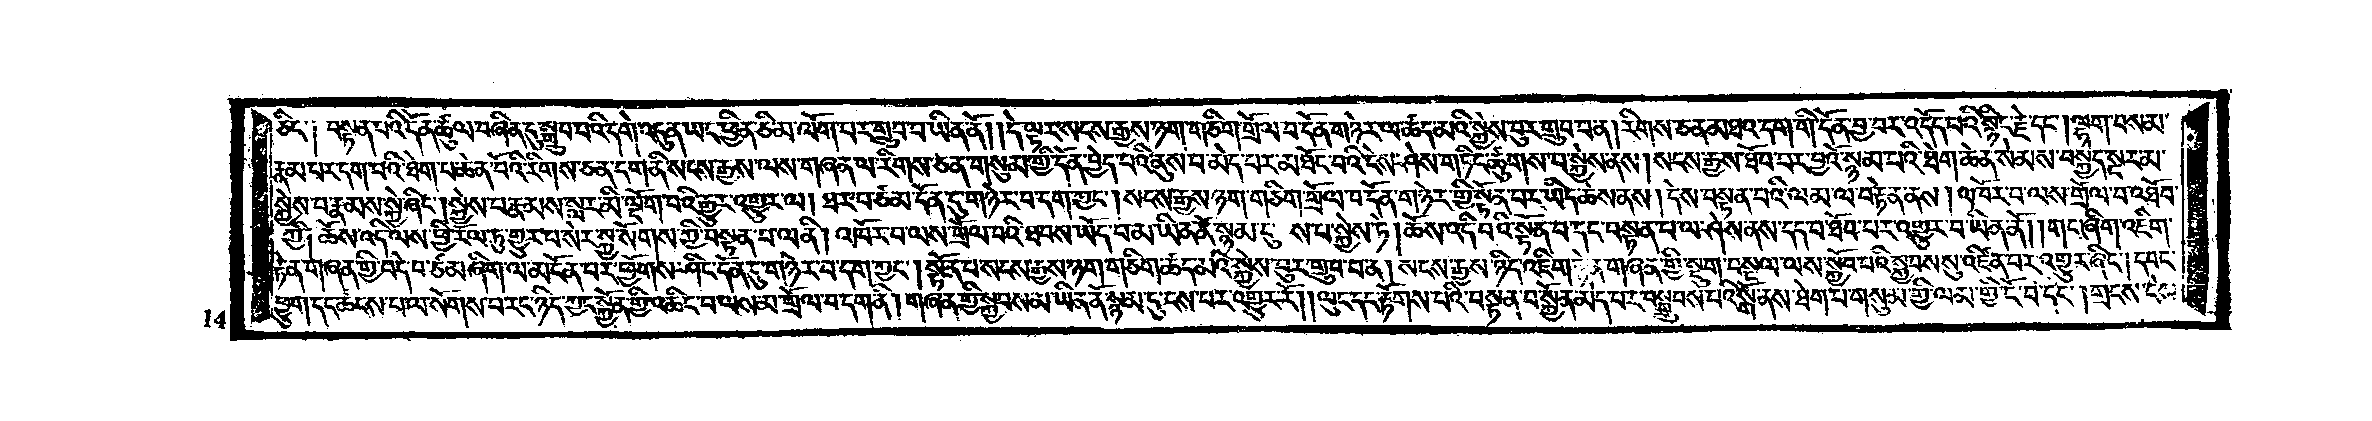ཅིང༑ བསྟན་པའི་དོན་ཚུལ་བཞིན་དུ་སྒྲུབ་པའི་དགེ་འདུན་ཡང་ཕྱིན་ཅི་མ་ལོག་པར་གྲུབ་པ་ཡིན་ནོ། །དེ་ལྟར་སངས་རྒྱས་ཉག་གཅིག་གྲོལ་བ་དོན་གཉེར་ལ་ཚད་མའི་སྐྱེས་བུར་གྲུབ་པ་ན། རིགས་ཅན་མཐའ་དག་གི་དོན་བྱ་བར་འདོད་པའི་སྙིང་རྗེ་དང་། ལྷག་བསམ་
རྣམ་པར་དག་པའི་ཐེག་པ་ཆེན་པོའི་རིགས་ཅན་དག་ནི་སངས་རྒྱས་ལས་གཞན་ལ་རིགས་ཅན་གསུམ་གྱི་དོན་བྱེད་པའི་ནུས་པ་མེད་པར་མཐོང་བའི་ངེས་ཤེས་གཏིང་ཚུགས་པ་སྐྱེས་ནས། སངས་རྒྱས་ཐོབ་པར་བྱའོ་སྙམ་པའི་ཐེག་ཆེན་སེམས་བསྐྱེད་སྔར་མ་
སྐྱེས་པ་རྣམས་སྐྱེ་ཞིང་། སྐྱེས་པ་རྣམས་སླར་མི་ལྡོག་པའི་རྒྱུར་འགྱུར་ལ། ཐར་པ་ཙམ་དོན་དུ་གཉེར་བ་དག་ཀྱང་། སངས་རྒྱས་ཉག་གཅིག་གྲོལ་བ་དོན་གཉེར་གྱི་སྟོན་པར་ཡིད་ཆེས་ནས། དེས་བསྟན་པའི་ལམ་ལ་བརྟེན་ནས། འཁོར་བ་ལས་གྲོལ་བ་འཐོབ་
ཀྱི། ཆོས་འདི་ལས་ཕྱི་རོལ་ཏུ་གྱུར་པ་སེར་སྐྱ་སོགས་ཀྱི་བསྟན་པ་ལ་ནི། འཁོར་བ་ལས་གྲོལ་བའི་ཐབས་ཡོད་པ་མ་ཡིན་ནོ་སྙམ་དུ་ངེས་པ་སྐྱེས་ཏེ། ཆོས་འདི་བའི་སྟོན་པ་དང་བསྟན་པ་ལ་ཤེས་ནས་དད་པ་ཐོབ་པར་འགྱུར་བ་ཡིན་ནོ། །གང་ཞིག་འཇིག་
རྟེན་གཞན་གྱི་བདེ་བ་ཙམ་ཞིག་ལ་མངོན་པར་ཕྱོགས་ཤིང་དོན་དུ་གཉེར་བ་དག་ཀྱང་། སྟོན་པ་སངས་རྒྱས་ཉག་གཅིག་ཚད་མའི་སྐྱེས་བུར་གྲུབ་པ་ན། སངས་རྒྱས་ཉིད་འཇིག་རྟེན་གཞན་གྱི་སྡུག་བསྔལ་ལས་སྐྱོབ་པའི་སྐྱབས་སུ་འཛིན་པར་འགྱུར་ཞིང་། དབང་
ཕྱུག་དང་ཚངས་པ་ལ་སོགས་པ་རང་ཉིད་ཀྱང་སྐྱོན་གྱི་འཆིང་བ་ལས་མ་གྲོལ་བ་དག་ནི། གཞན་གྱི་སྐྱབས་མ་ཡིན་ནོ་སྙམ་དུ་ངེས་པར་འགྱུར་རོ། །ལུང་དང་རྟོགས་པའི་བསྟན་པ་སྐྱོན་མེད་པར་བསྒྲུབས་པའི་སྒོ་ནས་ཐེག་པ་གསུམ་གྱི་ལམ་གྱི་ངོ་བོ་དང་། གྲངས་ངེས་